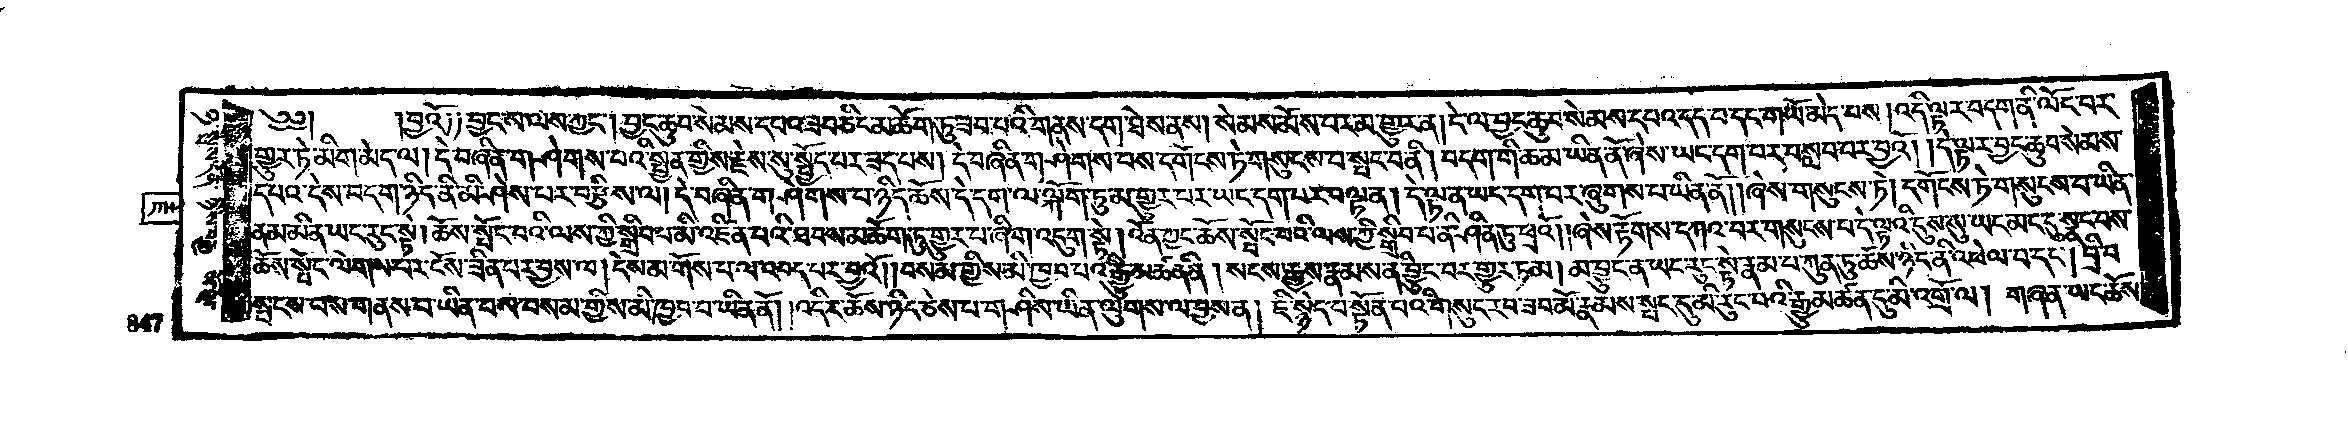༄༅། །བྱའོ། །བྱང་ས་ལས་ཀྱང་། བྱང་ཆུབ་སེམས་དཔའ་ཟབ་ཅིང་མཆོག་ཏུ་ཟབ་པའི་གནས་དག་ཐོས་ནས། སེམས་མོས་པར་མ་གྱུར་ན། དེ་ལ་བྱང་ཆུབ་སེམས་དཔའ་དད་པ་དང་གཡོ་མེད་པས། འདི་ལྟར་བདག་ནི་ལོང་བར་
གྱུར་ཏེ་མིག་མེད་ལ། དེ་བཞིན་གཤེགས་པའི་སྤྱན་གྱིས་རྗེས་སུ་སྤྱོད་པར་ཟད་པས། དེ་བཞིན་གཤེགས་པས་དགོངས་ཏེ་གསུངས་པ་སྤང་བ་ནི། བདག་གི་ཆ་མ་ཡིན་ནོ་ཞེས་ཡང་དག་པར་བསླབ་པར་བྱའོ། །དེ་ལྟར་བྱང་ཆུབ་སེམས་
དཔའ་དེས་བདག་ཉིད་ནི་མི་ཤེས་པར་བརྩིས་ལ། དེ་བཞིན་གཤེགས་པ་ཉིད་ཆོས་དེ་དག་ལ་ལྐོག་ཏུ་མ་གྱུར་པར་ཡང་དག་པར་བལྟ་ན། དེ་ལྟ་ན་ཡང་དག་པར་ཞུགས་པ་ཡིན་ནོ། །ཞེས་གསུངས་ཏེ། དགོངས་ཏེ་གསུངས་པ་ཡིན་
ནམ་མིན་ཡང་རུང་སྟེ། ཆོས་སྤོང་བའི་ལས་ཀྱི་སྒྲིབ་པ་མི་འཛིན་པའི་ཐབས་མཆོག་ཏུ་གྱུར་པ་ཞིག་འདུག་སྟེ། འོན་ཀྱང་ཆོས་སྤོང་བའི་ལས་ཀྱི་སྒྲིབ་པ་ནི་ཤིན་ཏུ་ཕྲའོ། །ཞེས་རྟོགས་དཀའ་བར་གསུངས་པ་དེ་ལྟའི་དུས་སུ་ཡང་མང་དུ་སྣང་བས་
ཆོས་སྤོང་ལེགས་པར་ངོས་ཟིན་པར་བྱས་ལ། དེས་མ་གོས་པ་ལ་འབད་པར་བྱའོ། །བསམ་གྱིས་མི་ཁྱབ་པའི་རྒྱུ་མཚན་ནི། སངས་རྒྱས་རྣམས་ནི་བྱུང་བར་གྱུར་ཏམ། མ་བྱུང་ན་ཡང་རུང་སྟེ་རྣམ་པ་ཀུན་ཏུ་ཆོས་ཉིད་ནི་འཕེལ་བ་དང་། བྲི་བ་
སྤངས་པས་གནས་པ་ཡིན་པས་བསམ་གྱིས་མི་ཁྱབ་པ་ཡིན་ནོ། །འདིར་ཆོས་ཉིད་ཅེས་པ་གཤིས་ཡིན་ལུགས་ལ་བྱས་ན། ཇི་སྙེད་པ་སྟོན་པའི་གསུང་རབ་ཟབ་མོ་རྣམས་སྤང་དུ་མི་རུང་བའི་རྒྱུ་མཚན་དུ་མི་འགྲོ་ལ། གཞན་ཡང་ཆོས་